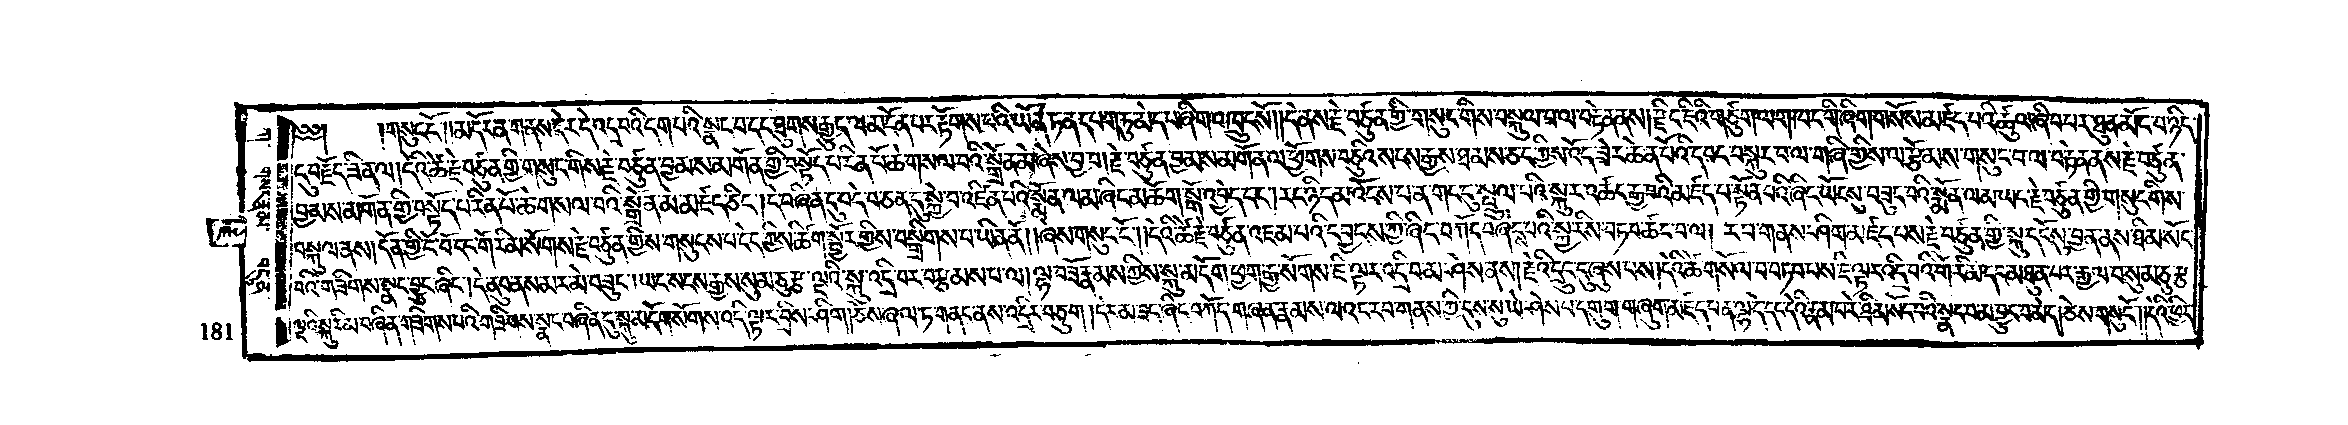༄༅། །གསུང་ངོ། །མདོར་ན་གནས་དེར་དེ་འདྲ་བའི་དག་པའི་སྣང་བ་དང་ཐུགས་རྒྱུད་ལ་མངོན་པར་རྟོགས་པའི་ཡོན་ཏན་དཔག་ཏུ་མེད་པ་ཞིག་འཁྲུངས་སོ། །དེ་ནས་རྗེ་བཙུན་གྱི་གསུང་གིས་བསྐུལ་བ་ལ་བརྟེན་ནས། རྫིང་ཇིའི་གཙུག་ལག་ཁང་གི་ཞིག་གསོས་མཛད་པའི་ཚུལ་ཞིབ་པར་ཐུན་མོང་བ་ཉིད་
དུ་བརྗོད་ཟིན་ལ། དེའི་ཚེ་རྗེ་བཙུན་གྱི་གསུང་གིས་རྗེ་བཙུན་བྱམས་མགོན་གྱི་བསྟོད་པ་རིན་པོ་ཆེ་གསལ་བའི་སྒྲོན་མེ་ཞེས་བྱ་བ། རྗེ་བཙུན་བྱམས་མགོན་ལ་ཕྱོགས་བཅུའི་སངས་རྒྱས་ཐམས་ཅད་ཀྱིས་འོད་ཟེར་ཆེན་པོའི་དབང་བསྐུར་བ་ལ་གཞི་གྱིས་ལ་རྩོམས་གསུང་བ་ལ་བརྟེན་ནས་རྗེ་བཙུན་
བྱམས་མགོན་གྱི་བསྟོད་པ་རིན་པོ་ཆེ་གསལ་བའི་སྒྲོན་མེ་མཛད་ཅིང་། དེ་བཞིན་དུ་བདེ་བ་ཅན་དུ་སྐྱེ་བ་འཛིན་པའི་སྨོན་ལམ་ཞིང་མཆོག་སྒོ་འབྱེད་དང་། རང་ཉིད་མ་འོངས་པ་ན་གང་དུ་སྤྲུལ་པའི་སྐུར་འཚང་རྒྱ་བའི་མཛད་པ་སྟོན་པའི་ཞིང་ཡོངས་སུ་བཟུང་བའི་སྨོན་ལམ་ཡང་རྗེ་བཙུན་གྱི་གསུང་གིས་
བསྐུལ་ནས། དོན་གྱི་ངོ་བོ་དང་གོ་རིམ་སོགས་རྗེ་བཙུན་གྱིས་གསུངས་པ་ངེད་ཀྱིས་ཚིག་སྦྱོར་གྱིས་བསྒྲིགས་པ་ཡིན་ནོ། །ཞེས་གསུང་ངོ། །དེའི་ཚེ་རྗེ་བཙུན་འཇམ་པའི་དབྱངས་ཀྱི་ཞིང་བཀོད་བཞེངས་པའི་སྐྱ་རིས་བཏབ་ཚང་བ་ལ། རབ་གནས་ཤིག་མཛད་པས་རྗེ་བཙུན་གྱི་སྐུ་དངོས་སུ་བྱན་ནས་ཐིམ་སོང་
བའི་གཟིགས་སྣང་བྱུང་ཞིང་། དེ་ནུབ་ནས་མར་མེ་བཟུང་། ཡང་སངས་རྒྱས་སུམ་ཅུ་རྩ་ལྔའི་སྐུ་འདྲི་བར་བརྩམས་པ་ལ། ལྷ་བཟོ་རྣམས་ཀྱིས་སྐུ་མདོག་ཕྱག་རྒྱ་སོགས་ཇི་ལྟར་འདྲི་བ་མ་ཤེས་ནས། རྗེའི་དྲུང་དུ་ཞུས་པས། དེའི་ཚེ་གསོལ་བ་བཏབ་པས་ཇི་ལྟར་འདྲི་བའི་གོ་རིམ་དང་མཐུན་པར་རྒྱལ་བ་སུམ་ཅུ་རྩ་
ལྔའི་སྐུ་རིམ་བཞིན་གཟིགས་པའི་གཟིགས་སྣང་བཞིན་དུ་སྐུ་མདོག་སོགས་འདི་ལྟར་བྲིས་ཤིག །ཅེས་ཞལ་ཏ་གནང་ནས་འདྲིར་བཅུག །དེར་མ་ཟད་ཞིང་བཀོད་གཞན་རྣམས་ལའང་རབ་གནས་ཀྱི་དུས་སུ་ཡེ་ཤེས་པ་དགུག་གཞུག་མཛད་པ་ན་ལྷ་དེ་དང་དེའི་རྣམ་པ་རེ་ཐིམ་སོང་བའི་སྣང་བ་མ་བྱུང་བ་མེད། ཅེས་གསུང་ངོ། །དེའི་ཕྱིར་